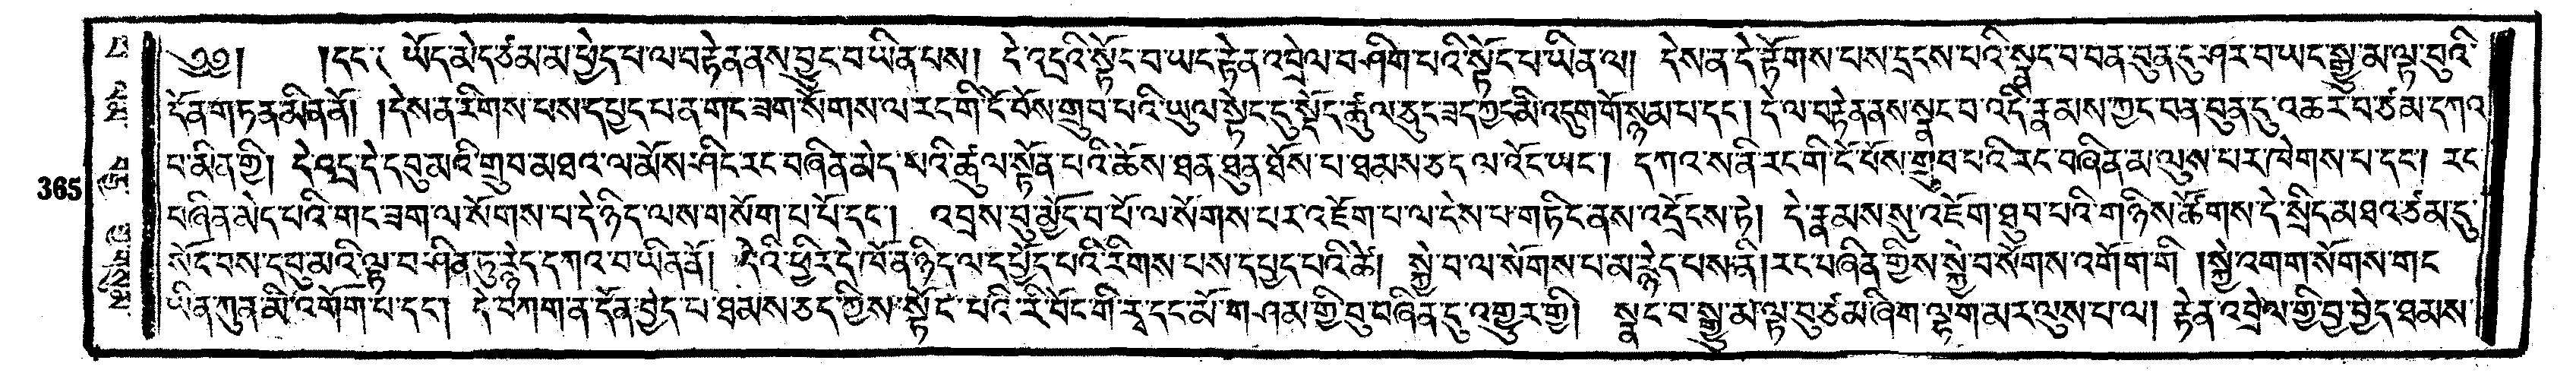༄༅། །དང༑ ཡོད་མེད་ཙམ་མ་ཕྱེད་པ་ལ་བརྟེན་ནས་བྱུང་བ་ཡིན་པས། དེ་འདྲའི་སྟོང་བ་ཡང་རྟེན་འབྲེལ་བཤིག་པའི་སྟོང་པ་ཡིན་ལ། དེས་ན་དེ་རྟོགས་པས་དྲངས་པའི་སྣང་བ་བན་བུན་དུ་ཤར་བ་ཡང་སྒྱུ་མ་ལྟ་བུའི་
དོན་གཏན་མིན་ནོ། །དེས་ན་རིགས་པས་དཔྱད་པ་ན་གང་ཟག་སོགས་ལ་རང་གི་ངོ་བོས་གྲུབ་པའི་ཡུལ་སྟེང་དུ་སྡོད་ཚུལ་ཅུང་ཟད་ཀྱང་མི་འདུག་གོ་སྙམ་པ་དང་། དེ་ལ་བརྟེན་ནས་སྣང་བ་འདི་རྣམས་ཀྱང་བན་བུན་དུ་འཆར་བ་ཙམ་དཀའ་
པ་མིན་གྱི། དེ་འདྲ་དེ་དབུ་མའི་གྲུབ་མཐའ་ལ་མོས་ཤིང་རང་བཞིན་མེད་པའི་ཚུལ་སྟོན་པའི་ཆོས་ཐན་ཐུན་ཐོས་པ་ཐམས་ཅད་ལ་འོང་ཡང་། དཀའ་ས་ནི་རང་གི་ངོ་བོས་གྲུབ་པའི་རང་བཞིན་མ་ལུས་པར་ཁེགས་པ་དང་། རང་
བཞིན་མེད་པའི་གང་ཟག་ལ་སོགས་པ་དེ་ཉིད་ལས་གསོག་པ་པོ་དང་། འབྲས་བུ་མྱོང་བ་པོ་ལ་སོགས་པར་འཇོག་པ་ལ་དེས་པ་གཏིང་ནས་འདྲོངས་ཏེ། དེ་རྣམས་སུ་འཇོག་ཐུབ་པའི་གཉིས་ཚོགས་དེ་སྲིད་མཐའ་ཙམ་དུ་
སོང་བས་དབུ་མའི་ལྟ་བ་ཤིན་ཏུ་རྙེད་དཀའ་བ་ཡིན་ནོ། དེའི་ཕྱིར་དེ་ཁོ་ན་ཉིད་ལ་དཔྱོད་པའི་རིགས་པས་དཔྱད་པའི་ཚེ། སྐྱེ་བ་ལ་སོགས་པ་མ་རྙེད་པས་ནི། རང་བཞིན་གྱིས་སྐྱེ་བ་སོགས་འགོག་གི །སྐྱེ་འགག་སོགས་གང་
ཡིན་ཀུན་མི་འགོག་པ་དང་། དེ་བཀག་ན་དོན་བྱེད་པ་ཐམས་ཅད་ཀྱིས་སྟོང་བའི་རི་བོང་གི་རྭ་དང་མོ་གཤམ་གྱི་བུ་བཞིན་དུ་འགྱུར་གྱི། སྣང་བ་སྒྱུ་མ་ལྟ་བུ་ཙམ་ཞིག་ལྷག་མར་ལུས་པ་ལ། རྟེན་འབྲེལ་གྱི་བྱ་བྱེད་ཐམས་